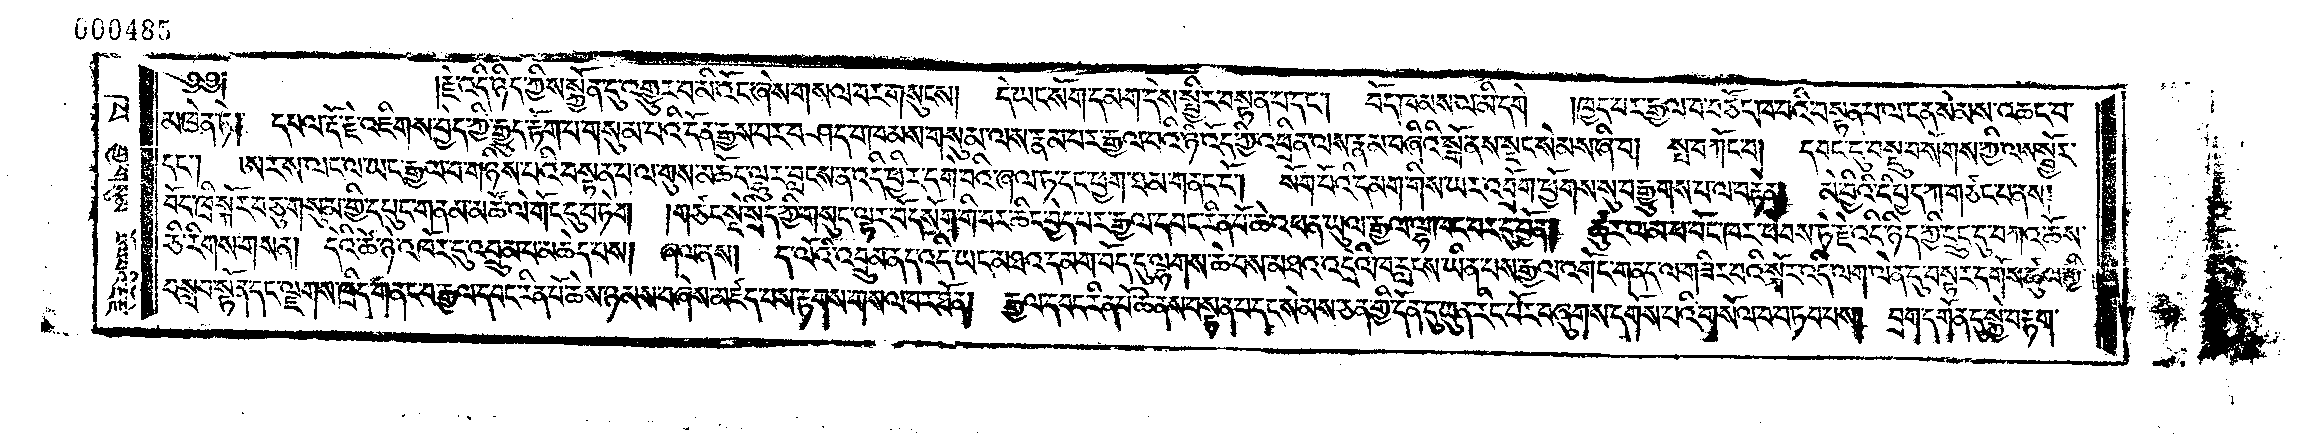༄༅། །རྗེ་འདི་ཉིད་ཀྱིས་སྐྱོན་དུ་འགྱུར་བ་མི་འོང་ཞེས་གསལ་བར་གསུངས། དེ་ཡང་སོག་དམག་དེས་སྤྱིར་བསྟན་པ་དང་། བོད་ཁམས་ལ་མི་དགེ །ཁྱད་པར་རྒྱལ་བ་བཙོང་ཁ་པའི་བསྟན་པ་ལ་ངན་སེམས་འཆང་བ་
མཁྱེན་ཏེ། དཔལ་རྡོ་རྗེ་འཇིགས་བྱེད་ཀྱི་རྒྱུད་རྟོག་པ་གསུམ་པའི་དོན་རྒྱས་པར་བཤད་པ་ཁམས་གསུམ་ལས་རྣམ་པར་རྒྱལ་བའི་ཉི་འོད་ཀྱི་འཕྲིན་ལས་རྣམ་བཞིའི་སྒོ་ནས་སྡང་སེམས་ཞི་བ། སྤ་བཀོང་བ། དབང་དུ་བསྡུ་བ་སོགས་ཀྱི་ལས་སྦྱོར་
དང་། ཨར་ས་ལང་ལ་ཡང་རྒྱལ་བ་གཉིས་པའི་བསྟན་པ་ལ་གུས་མཆོད་ལྷུར་བླངས་ན་འདི་ཕྱིར་དགེ་བའི་ཞལ་ཏ་དང་ཕྱག་ཐམ་གནང་ངོ། སོག་པོའི་དམག་གིས་ཡར་འབྲོག་ཕྱོགས་སུ་བརྒྱུགས་པ་ལ་བརྟེན། མེ་བྱིའི་དི་བྱད་ཀ་གཙང་པ་ནས།
བོད་ཁྲི་སྐོར་བཅུ་གསུམ་གྱི་དཔུང་གནམ་མཚོ་ལེ་གོང་དུ་བཏེག །གཙང་སྡེ་སྲིད་ཀྱི་གསུང་ལྟར་བོད་སོག་གི་བར་ཆིང་བྱེད་པར་རྒྱལ་དབང་རིན་པོ་ཆེ་འཕན་ཡུལ་རྒྱལ་ལྷ་ཁང་བར་དུ་བྱོན། ཚུར་ལམ་ཕ་བོང་ཁར་ཕེབས་ཏེ་རྗེ་འདི་ཉིད་ཀྱི་དྲུང་དུ་བཀའ་ཆོས་
ཅི་རིགས་གསན། དེའི་ཚེ་ཉེ་འཁོར་དུ་འབྲུམ་པ་མཆེད་པས། ཞལ་ནས། ད་ལོའི་འབྲུམ་ནད་འདི་ཡང་མཐའ་དམག་བོད་དུ་ལྷགས་ཆེ་བས་མཐའ་འདྲེའི་ཁ་རླངས་ཡིན་པས་རྒྱལ་འགོང་གནད་ལ་གཟིར་བའི་སྐོར་འདི་ལག་ལེན་དུ་བསྟར་དགོས་ཚུལ་གྱི་
བསླབ་སྟོན་དང་ལྗགས་ཁྲིད་གནང་བ་རྒྱལ་དབང་རིན་པོ་ཆེས་ཉམས་བཞེས་མཛད་པས་རྟགས་གསལ་བར་ཐོན། རྒྱལ་དབང་རིན་པོ་ཆེ་ནས་བསྟན་པ་དང་སེམས་ཅན་གྱི་དོན་དུ་ཡུན་རིང་པོར་བཞུགས་དགོས་པའི་གསོལ་བ་བཏབ་པས། བྲག་དགོན་དུ་སྐྱེ་བརྟག་